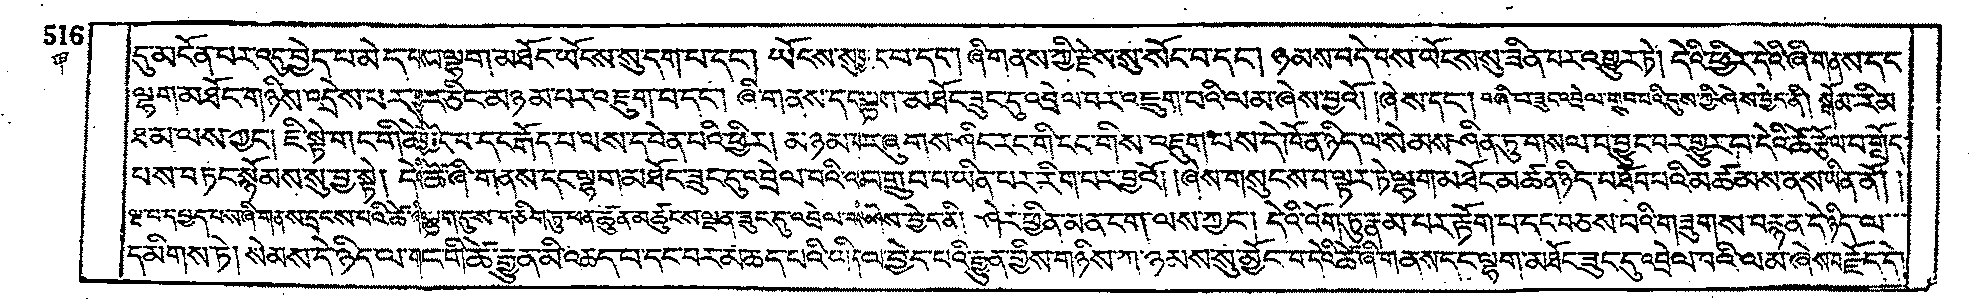དུ་མངོན་པར་འདུ་བྱེད་པ་མེད་པས་ལྷག་མཐོང་ཡོངས་སུ་པ་དང་། ཡོངས་སུ་བྱང་བ་དང་། ཞི་གནས་ཀྱི་རྗེས་སུ་སོང་བ་དང་། ཉམས་བདེ་བས་ཡོངས་སུ་ཟིན་པར་འགྱུར་ཏེ། དེའི་ཕྱིར་དེའི་ཞི་གནས་དང་
ལྷག་མཐོང་གཉིས་འདྲེས་པར་གྱུར་ཅིང་མཉམ་པར་འཇུག་པ་དང་། ཞི་གནས་དང་ལྷག་མཐོང་ཟུང་དུ་འབྲེལ་བར་འཇུག་པའི་ལམ་ཞེས་བྱའོ། །ཞེས་དང་། བཞི་པ་ཟུང་འབྲེལ་གྲུབ་པའི་དུས་ཀྱི་ཤེས་བྱེད་ནི།  སྒོམ་རིམ་
ཐ་མ་ལས་ཀྱང་། ཇི་སྟེ་གང་གི་ཚེ་བྱིང་པ་དང་རྒོད་པ་ལས་དབེན་པའི་ཕྱིར། མཉམ་པར་ཞུགས་ཤིང་རང་གི་ངང་གིས་འཇུག་པས་དེ་ཁོ་ན་ཉིད་ལ་སེམས་ཤིན་ཏུ་གསལ་བ་བྱུང་བར་གྱུར་པ་དེའི་ཚེ་རྩོལ་བ་གློད་
པས་བཏང་སྙོམས་སུ་བྱ་སྟེ། དེའི་ཚེ་ཞི་གནས་དང་ལྷག་མཐོང་ཟུང་དུ་འབྲེལ་བའི་ལམ་གྲུབ་པ་ཡིན་པར་རིག་པར་བྱའོ། །ཞེས་གསུངས་པ་ལྟར་ཏེ་ལྷག་མཐོང་མཚན་ཉིད་པ་ཐོབ་པའི་མཚམས་ནས་ཡིན་ནོ། །
ལྔ་པ་དཔྱད་པས་ཞི་གནས་དྲངས་པའི་ཚེ་ཞི་ལྷག་དུས་གཅིག་ཏུ་ཕན་ཚུན་མཚུངས་ལྡན་ཟུང་དུ་འབྲེལ་བའི་ཤེས་བྱེད་ནི། ཤེར་ཕྱིན་མན་ངག་ལས་ཀྱང་། དེའི་འོག་ཏུ་རྣམ་པར་རྟོག་པ་དང་བཅས་པའི་གཟུགས་བརྙན་དེ་ཉིད་ལ་
དམིགས་ཏེ། སེམས་དེ་ཉིད་ལ་གང་གི་ཚེ་རྒྱུན་མི་འཆད་པ་དང་བར་མ་ཆད་པའི་ཡིད་ལ་བྱེད་པའི་རྒྱུན་གྱིས་གཉིས་ཀ་ཉམས་སུ་མྱོང་བ་དེའི་ཚེ་ཞི་གནས་དང་ལྷག་མཐོང་ཟུང་དུ་འབྲེལ་བའི་ལམ་ཞེས་བརྗོད་དེ།